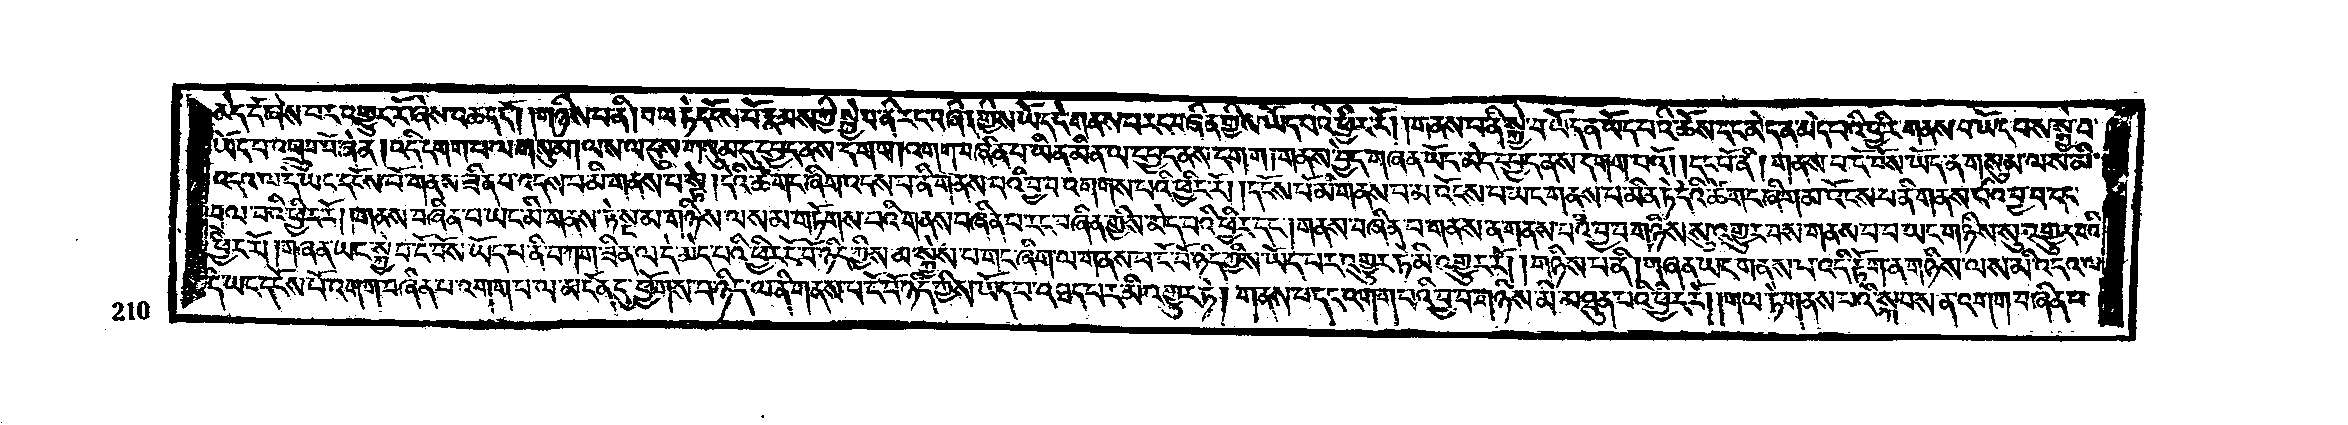མེད་དོ་ཞེས་པར་འགྱུར་རོ་ཞེས་འཆད་དོ། །གཉིས་པ་ནི། གལ་ཏེ་དངོས་པོ་རྣམས་ཀྱི་སྐྱེ་བ་ནི་རང་བཞིན་གྱིས་ཡོད་དེ་གནས་པ་རང་བཞིན་གྱིས་ཡོད་པའི་ཕྱིར་རོ། །གནས་པ་ནི་སྐྱེ་བ་ཡོད་ན་ཡོད་པའི་ཆོས་དང་མེད་ན་མེད་པའི་ཕྱིར་གནས་པ་ཡོད་པས་སྐྱེ་བ་
ཡོད་པ་འགྲུབ་བོ་ཞེ་ན། འདི་དགག་པ་ལ་གསུམ། ལས་ལ་དུས་གསུམ་དུ་དཔྱད་ནས་དགག། འགག་བཞིན་པ་ཡིན་མིན་ལ་དཔྱད་ནས་དགག ། གནས་བྱེད་གཞན་ཡོད་མེད་དཔྱད་ནས་དགག་པའོ། །དང་པོ་ནི། གནས་པ་ངོ་བོས་ཡོད་ན་གསུམ་ལས་མི་
འདའ་ལ་དེ་ཡང་དངོས་པོ་གནས་ཟིན་པ་འདས་པ་མི་གནས་པ་སྟེ། དེའི་ཚེ་གང་ཞིག་འདས་པ་ནི་གནས་པའི་བྱ་བ་འགགས་པའི་ཕྱིར་རོ། །དངོས་པོ་མི་གནས་པ་མ་འོངས་པ་ཡང་གནས་པ་མིན་ཏེ་དེའི་ཚེ་གང་ཞིག་མ་འོངས་པ་ནི་གནས་པའི་བྱ་བ་དང་
བྲལ་བའི་ཕྱིར་རོ། །གནས་བཞིན་པ་ཡང་མི་གནས་ཏེ་སྔ་མ་གཉིས་ལས་མ་གཏོགས་པའི་གནས་བཞིན་པ་རང་བཞིན་ཀྱིས་མེད་པའི་ཕྱིར་དང་། གནས་བཞིན་པ་གནས་ན་གནས་པའི་བྱ་བ་གཉིས་སུ་འགྱུར་བས་གནས་པ་པ་ཡང་གཉིས་སུ་འགྱུར་བའི་
ཕྱིར་རོ། །གཞན་ཡང་སྐྱེ་བ་ངོ་བོས་ཡོད་པ་ནི་བཀག་ཟིན་ལ་དེ་མེད་པའི་ཕྱིར་ངོ་བོ་ཉིད་ཀྱིས་མ་སྐྱེས་པ་གང་ཞིག་ལ་གནས་པ་ངོ་བོ་ཉིད་ཀྱིས་ཡོད་པར་འགྱུར་ཏེ་མི་འགྱུར་རོ། །གཉིས་པ་ནི། གཞན་ཡང་གནས་པ་འདི་རྟོག་ན་གཉིས་ལས་མི་འདའ་ལ་
དེ་ཡང་དངོས་པོ་འགག་བཞིན་པ་འགག་པ་ལ་མངོན་དུ་ཕྱོགས་པ་ཉིད་ལ་ནི་གནས་པ་ངོ་བོ་ཉིད་ཀྱིས་ཡོད་པ་འཐད་པར་མི་འགྱུར་ཏེ། གནས་པ་དང་འགག་པའི་བྱ་བ་གཉིས་མི་མཐུན་པའི་ཕྱིར་རོ། །གལ་ཏེ་གནས་པའི་སྐབས་ན་འགག་བཞིན་པ་